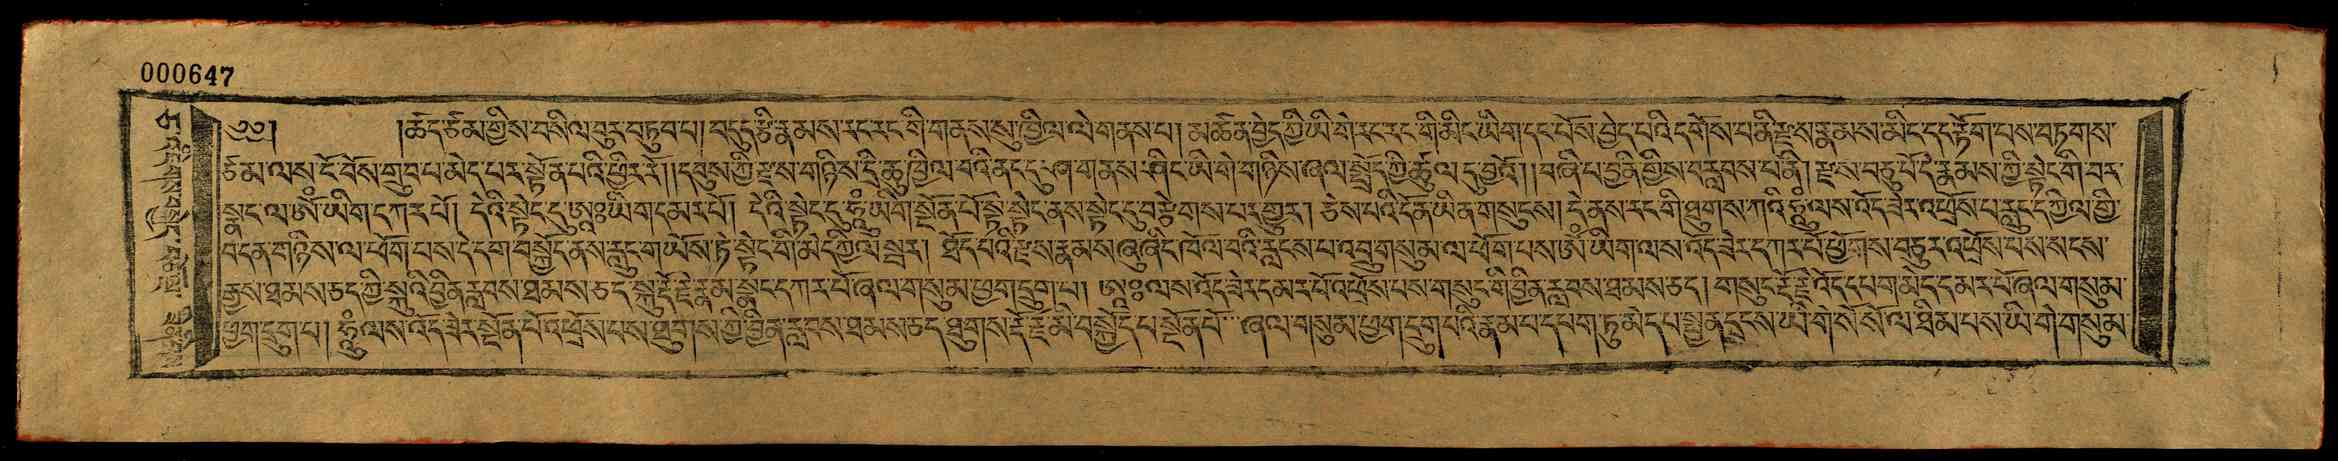༄༅། །ཚད་ཙམ་གྱིས་བསིལ་བུར་བཏུབ་པ། བདུད་རྩི་རྣམས་རང་རང་གི་གནས་སུ་ཁྱིལ་ལེ་གནས་པ། མཚོན་བྱེད་ཀྱི་ཡི་གེ་རང་རང་གི་མིང་ཡིག་དང་པོས་བྱེད་པའི་དགོས་པ་ནི་རྫས་རྣམས་མིང་དང་རྟོག་པས་བཏགས་
ཙམ་ལས་ངོ་བོས་གྲུབ་པ་མེད་པར་སྟོན་པའི་ཕྱིར་རོ། །དབུས་ཀྱི་རྫས་གཉིས་དྲི་ཆུ་ཁྱིལ་བའི་ནང་དུ་ཤ་གནས་ཤིང་ཡི་གེ་གཉིས་ཞལ་སྤྲོད་ཀྱི་ཚུལ་དུ་བྱའོ། །བཞི་པ་བྱིན་གྱིས་བརླབས་པ་ནི། རྫས་བཅུ་པོ་དེ་རྣམས་ཀྱི་སྟེང་གི་བར་
སྣང་ལ་ཨོཾ་ཡིག་དཀར་པོ། དེའི་སྟེང་དུ་ཨཱཿ ཡིག་དམར་པོ། དེའི་སྟེང་དུ་ཧཱུཾ་ཡིག་སྔོན་པོ་སྟེ་སྟེང་ནས་སྟེང་དུ་བརྩེགས་པར་གྱུར། ཅེས་པའི་དོན་ཡིན་གསུངས། དེ་ནས་རང་གི་ཐུགས་ཀའི་ཧཱུཾ་ལས་འོད་ཟེར་འཕྲོས་པ་རླུང་དཀྱིལ་གྱི་
བ་དན་གཉིས་ལ་ཕོག་པས་དེ་དག་བསྐྱོད་ནས་རླུང་གཡོས་ཏེ་སྟེང་གི་མེ་དཀྱིལ་སྦར། ཐོད་པའི་རྫས་རྣམས་ཞུ་ཞིང་ཁོལ་བའི་རླངས་པ་འབྲུ་གསུམ་ལ་ཕོག་པས་ཨོཾ་ཡིག་ལས་འོད་ཟེར་དཀར་པོ་ཕྱོགས་བཅུར་འཕྲོས་པས་སངས་
རྒྱས་ཐམས་ཅད་ཀྱི་སྐུའི་བྱིན་རླབས་ཐམས་ཅད་སྐུ་རྡོ་རྗེ་རྣམ་སྣང་དཀར་པོ་ཞལ་གསུམ་ཕྱག་དྲུག་པ། ཨཱཿ ལས་འོད་ཟེར་དམར་པོ་འཕྲོས་པས་གསུང་གི་བྱིན་རླབས་ཐམས་ཅད། གསུང་རྡོ་རྗེ་འོད་དཔག་མེད་དམར་པོ་ཞལ་གསུམ་
ཕྱག་དྲུག་པ། ཧཱུཾ་ལས་འོད་ཟེར་སྔོན་པོ་འཕྲོས་པས་ཐུགས་ཀྱི་བྱིན་རླབས་ཐམས་ཅད་ཐུགས་རྡོ་རྗེ་མི་བསྐྱོད་པ་སྔོན་པོཿ ཞལ་གསུམ་ཕྱག་དྲུག་པའི་རྣམ་པ་དཔག་ཏུ་མེད་པ་སྤྱན་དྲངས་ཡི་གེ་སོ་སོ་ལ་ཐིམ་པས་ཡི་གེ་གསུམ་